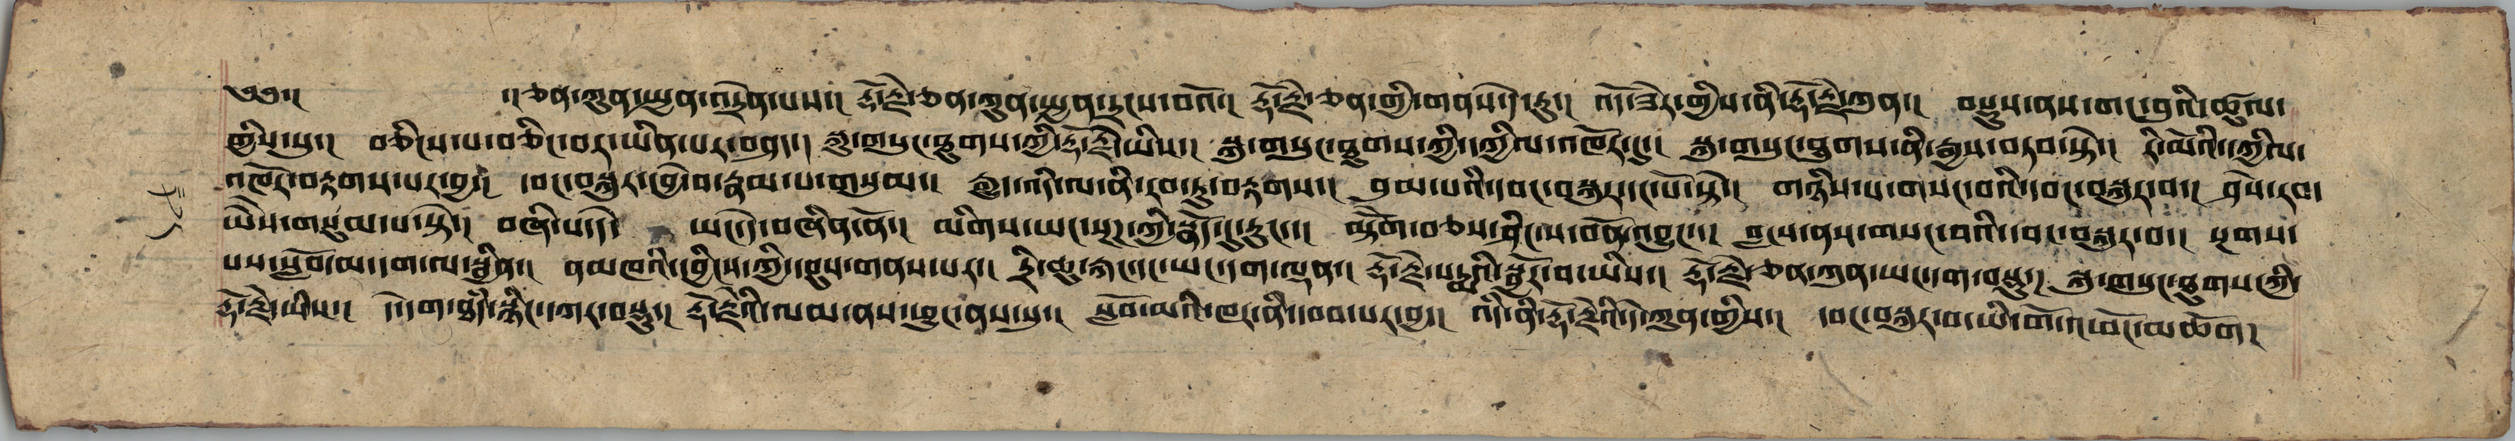༄༅་། ་།ཅན་ཀུན་སྤྱན་འདྲེན་པས་། རྡོ་རྗེ་ཅན་ཀུན་སྤྱན་དྲངས་བའོ་། རྡོ་རྗེ་ཅན་གྱི་གནས་དེ་རུ་། འོད་ཟེར་གྱིས་ནི་རྡོ་རྗེ་ཀུན་། བསྡུས་ནས་གང་བུའི་ཚུལ་
གྱིས་སུ་། བཅིངས་པ་བཅིང་བར་ཡིན་པར་བཤད་། སྐུགསུང་ཐུགས་ཀྱི་རྡོ་རྗེ་ཡིས་། སྐུ་གསུང་ཐུགས་ཀྱི་དཀྱིལ་འཁོར་དུ་། སྐུ་གསུང་ཐུགས་ནི་རྒྱས་བཏབ་ཏེ་། རི་མོའི་དཀྱིལ་
འཁོར་བརྟགས་པར་བྱ་། དབང་བསྐུར་དབྱེ་བ་རྣམ་པ་གསུམ་། རྒྱུད་འདི་ལ་ནི་རབ་ཏུ་བརྟགས་། བུམ་པའི་དབང་བསྐུར་དང་པོ་སྟེ་། གཉིས་པ་གསང་བའི་དབང་བསྐུར་བ་། ཤེས་རབ་
ཡཻས་གསུམ་པ་སྟེ་། བཞི་པ་དེ་ ཡང་དེ་བཞིན་ནོ་། མིགས་ཡང་སྔཌ་ཀྱི་སྣོད་དུ་རུང་་། མྟེོག་བཅས་ཤིང་ས་བོན་འབྱུང་་། བླངས་ནས་གསང་བའི་དབང་བསྐུར་བ་། སྔགས་
པས་སློབ་མ་དག་ལ་སྦྱིན་། ནམཁའི་དབྱིངས་ཀྱི་དབུས་གནས་པར་། དྲི་ཆུ་རྐང་དང་ཡང་དག་ལྡན་། རྡོ་རྗེ་པདྨའི་སྦྱོར་བ་ཡིས་། རྡོ་རྗེ་ཅན་ཀུན་ཡང་དག་བསྡུ་། སྐུ་གསུང་ཐུགས་ཀྱི་
རྡོ་རྗེ་ཡིས་། དེ་དག་ཐཾད་སྙིང་དཀར་བསྡུ་། རྡོ་རྗེའི་ལམ་ནས་ཕྱུང་ནས་སུ་། སློབ་མའི་ཁར་ནི་དབབ་པར་བྱ་། འདི་ནི་རྡོ་རྗེའི་དེ་ཀུན་གྱིས་། དབང་བསྐུར་བ་ཡི་གོ་འཕོང་མཆོག།